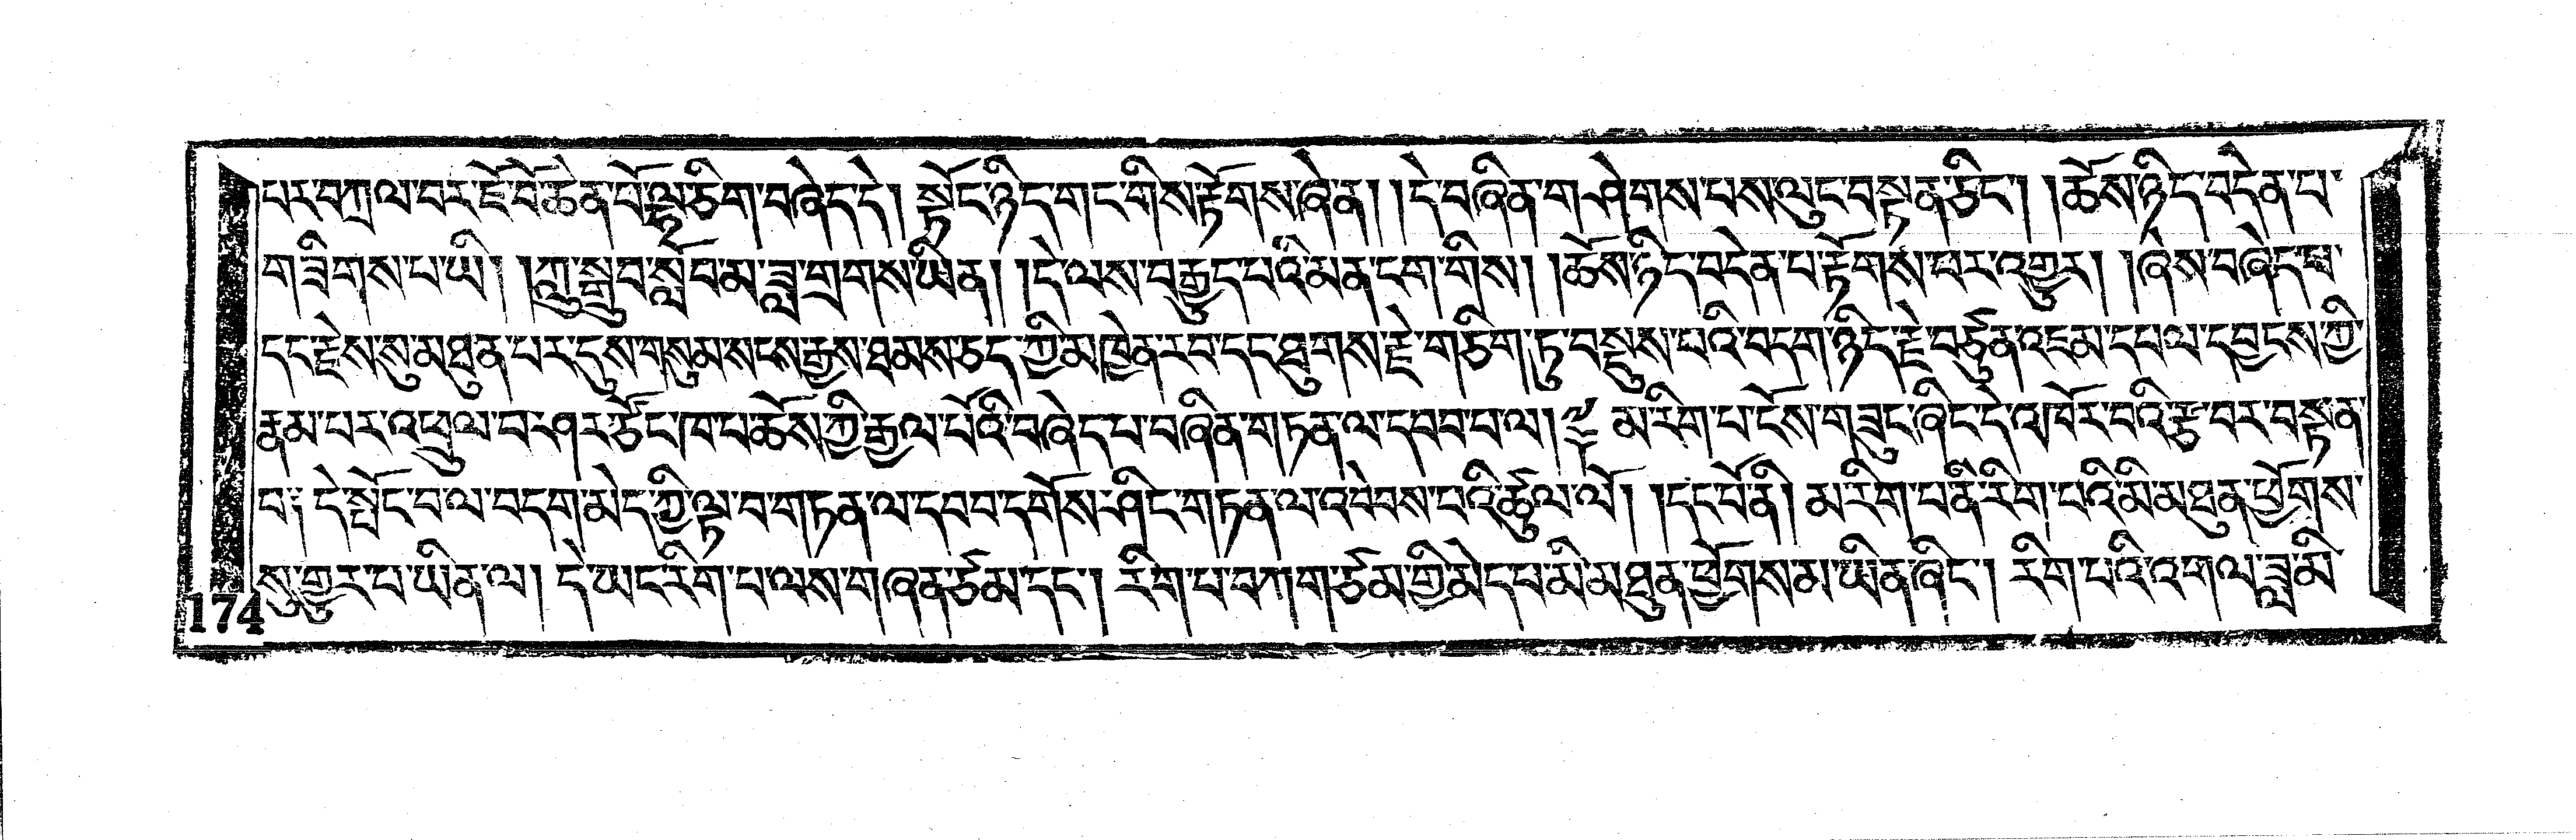པར་བཀྲལ་བར་ཇོ་བོ་ཆེན་པོ་ལྷ་ཅིག་བཞེད་དེ། སྟོང་ཉིད་གང་གིས་རྟོགས་ཞེ་ན། །དེ་བཞིན་གཤེགས་པས་ལུང་བསྟན་ཅིང་། །ཆོས་ཉིད་བདེན་པ་
གཟིགས་པ་ཡི། །ཀླུ་སྒྲུབ་སློབ་མ་ཟླ་གྲགས་ཡིན། །དེ་ལས་བརྒྱུད་པའི་མན་ངག་གིས། །ཆོས་ཉིད་བདེན་པ་རྟོགས་པར་འགྱུར། །ཞེས་བཞེད་པ་
དང་རྗེས་སུ་མཐུན་པར་དུས་གསུམ་སངས་རྒྱས་ཐམས་ཅད་ཀྱི་མཁྱེན་རབ་དང་ཐུགས་རྗེ་གཅིག་ཏུ་བསྡུས་པའི་བདག་ཉིད་རྗེ་བཙུན་འཇམ་དཔལ་དབྱངས་ཀྱི་
རྣམ་པར་འཕྲུལ་བ་ཤར་ཙོང་ཁ་པ་ཆོས་ཀྱི་རྒྱལ་པོའི་བཞེད་པ་བཞིན་གཏན་ལ་དབབ་པ་ལ། ༈ མ་རིག་པ་ངོས་གཟུང་ཞིང་དེ་འཁོར་བའི་རྩ་བར་བསྟན་
པ༑ དེ་སྤོང་བ་ལ་བདག་མེད་ཀྱི་ལྟ་བ་གཏན་ལ་དབབ་དགོས་ཤིང་གཏན་ལ་འབེབས་པའི་ཚུལ་ལོ། །དང་པོ་ནི། མ་རིག་པ་ནི་རིག་པའི་མི་མཐུན་ཕྱོགས་
སུ་གྱུར་པ་ཡིན་ལ། དེ་ཡང་རིག་པ་ལས་གཞན་ཙམ་དང་། རིག་པ་བཀག་ཙམ་གྱི་མེད་པ་མི་མཐུན་ཕྱོགས་མ་ཡིན་ཞིང་། རིག་པའི་འགལ་ཟླ་མི་